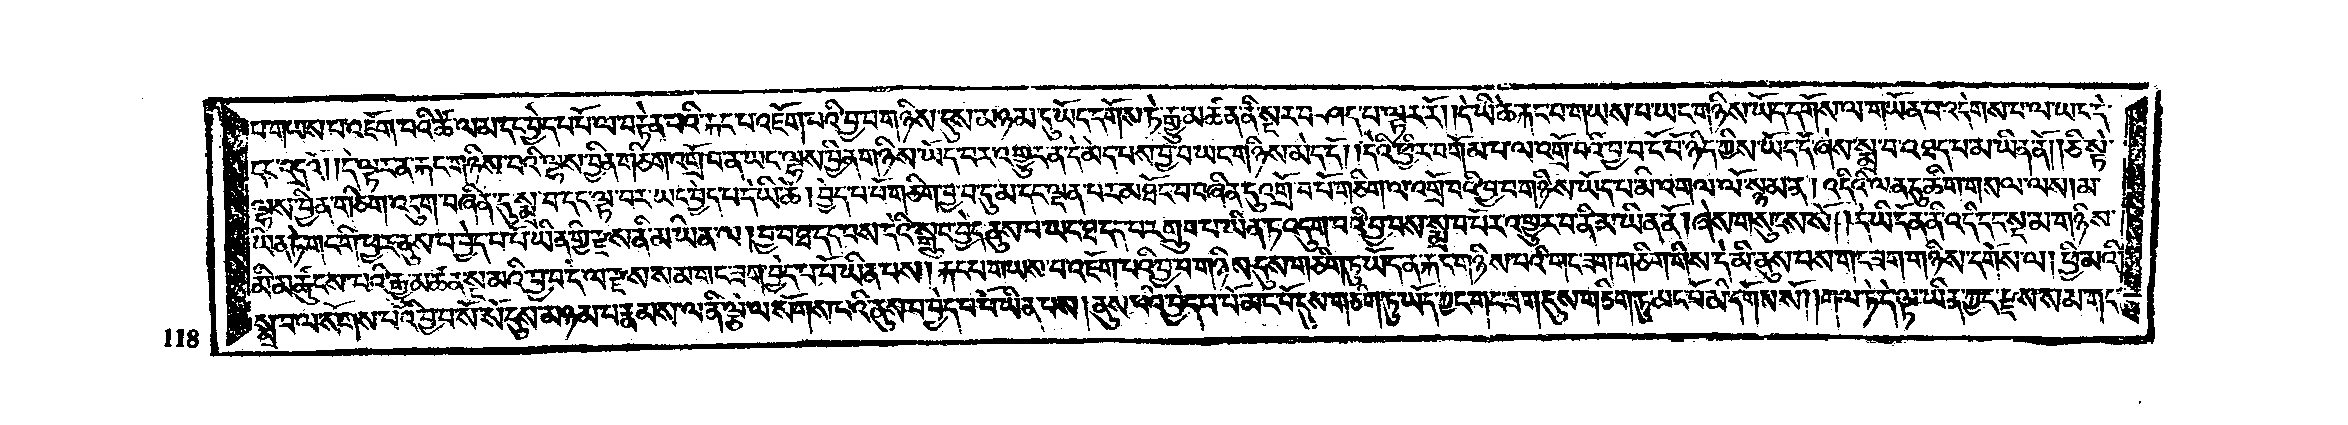པ་གཡས་པ་འཇོག་པའི་ཚེ་ལམ་དང་བྱེད་པ་པོ་ལ་བརྟེན་པའི་རྐང་པ་འཇོག་པའི་བྱ་བ་གཉིས་དུས་མཉམ་དུ་ཡོད་དགོས་ཏེ་རྒྱུ་མཚན་ནི་སྔར་བཤད་པ་ལྟར་རོ། །དེ་ཡི་ཚེ་རྐང་པ་གཡས་པ་ཡང་གཉིས་ཡོད་དགོས་ལ་གཡོན་པ་འདེགས་པ་ལ་ཡང་དེ་
དང་འདྲའོ། །དེ་ལྟར་ན་རྐང་གཉིས་པའི་ལྷས་བྱིན་གཅིག་འགྲོ་བ་ན་ཡང་ལྷས་བྱིན་གཉིས་ཡོད་པར་འགྱུར་ན་དེ་མེད་པས་བྱ་བ་ཡང་གཉིས་མེད་དོ། །དེའི་ཕྱིར་བགོམ་པ་ལ་འགྲོ་བའི་བྱ་བ་ངོ་བོ་ཉིད་ཀྱིས་ཡོད་དོ་ཞེས་སྨྲ་བ་འཐད་པ་མ་ཡིན་ནོ། །ཅི་སྟེ་
ལྷས་བྱིན་གཅིག་འདུག་བཞིན་དུ་སྨྲ་བ་དང་ལྟ་བར་ཡང་བྱེད་པ་དེ་ཡི་ཚེ། བྱེད་པ་པོ་གཅིག་བྱ་བ་དུ་མ་དང་ལྡན་བར་མཐོང་བ་བཞིན་དུ་འགྲོ་བ་པོ་གཅིག་ལ་འགྲོ་བའི་བྱ་བ་གཉིས་ཡོད་པ་མི་འགལ་ལོ་སྙམ་ན། འདིའི་ལན་དུ་ཚིག་གསལ་ལས། མ་
ཡིན་ཏེ་གང་གི་ཕྱིར་ནུས་པ་བྱེད་པ་པོ་ཡིན་གྱི་རྫས་ནི་མ་ཡིན་ལ། བྱ་བ་ཐ་དད་པས་དེའི་སྒྲུབ་བྱེད་ནུས་པ་ཡང་ཐ་དད་པར་གྲུབ་པ་ཡིན་ཏེ་འདུག་བའི་བྱ་བས་སྨྲ་བ་པོར་འགྱུར་བ་ནི་མ་ཡིན་ནོ། ཞེས་གསུངས་སོ། །དེ་ཡི་དོན་ནི་འདི་དང་སྔ་མ་གཉིས་
མི་མཚུངས་པའི་རྒྱུ་མཚན་སྔ་མའི་བྱ་བ་དེ་ལ་རྫས་སམ་གང་ཟག་བྱེད་པ་པོ་ཡིན་པས། རྐང་པ་གཡས་པ་འཇོག་པའི་བྱ་བ་གཉིས་དུས་གཅིག་ཏུ་ཡོད་ན་རྐང་གཉིས་པའི་གང་ཟག་གཅིག་གིས་དེ་མི་ནུས་པས་གང་ཟག་གཉིས་དགོས་ལ། ཕྱི་མའི་
སྨྲ་བ་ལ་སོགས་པའི་བྱ་བ་སོ་སོ་དུས་མཉམ་པ་རྣམས་ལ་ནི་ལྕེ་ལ་སོགས་པའི་ནུས་པ་བྱེད་པ་པོ་ཡིན་པས། ནུས་པའི་བྱེད་པ་པོ་མང་པོ་དུས་གཅིག་ཏུ་ཡོད་ཀྱང་གང་ཟག་དུས་གཅིག་ཏུ་མང་པོ་མི་དགོས་སོ། །གལ་ཏེ་དེ་ལྟ་ཡིན་ཀྱང་རྫས་སམ་གང་